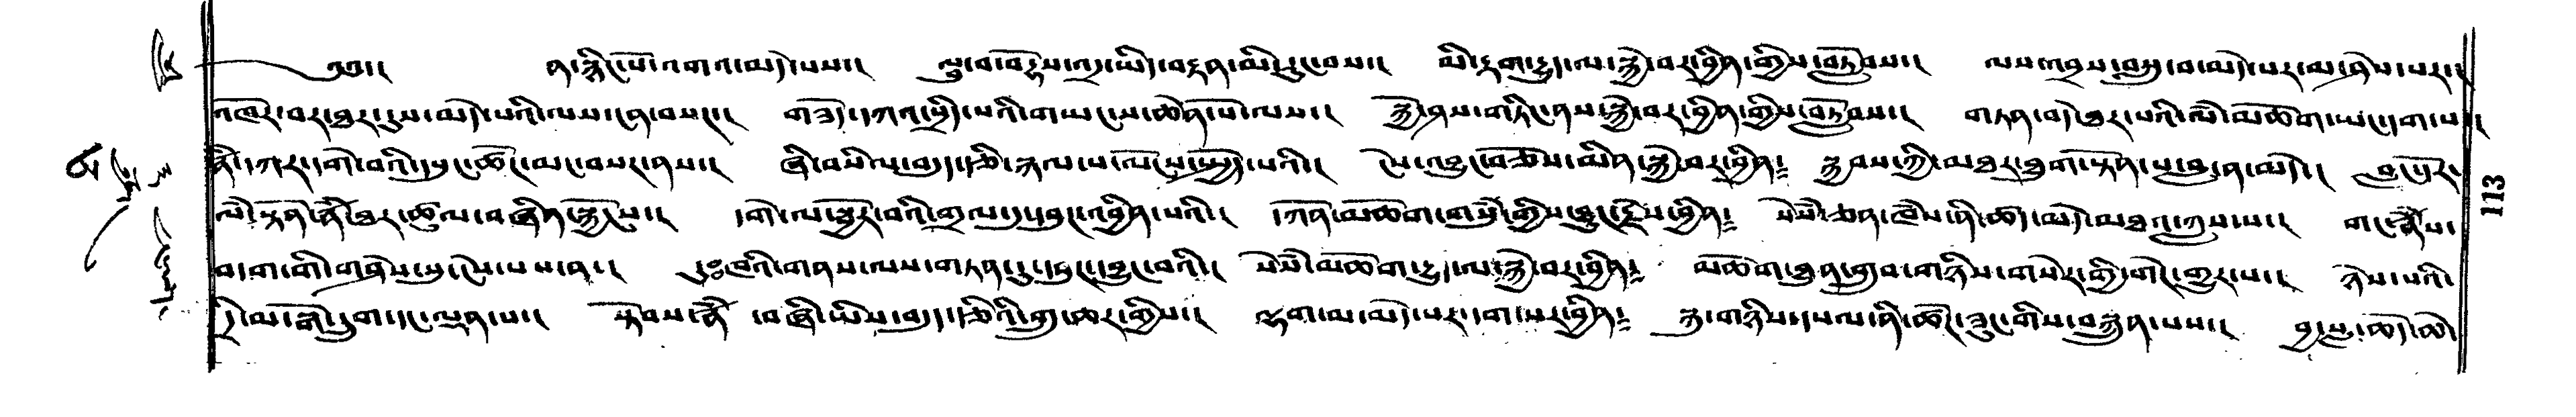ན་སྙིང་པོ་འགའ་མེད་པས། །ལྦུ་བ་བརྡོས་འདྲ་ཡིད་རྟོན་མི་རུང་བས། །མི་རྟག་རྒྱུད་ལ་སྐྱེ་བར་བྱིན་གྱིས་རློབས། །ལས་འབྲས་བསླུ་བ་མེད་པར་མ་ཤེས་པར། །
འཁོར་བར་ཐར་དུས་མེད་པའི་ལས་ངན་བསགས། །གཟོད་དཀའ་སྲིད་པའི་གཡང་ས་ཆེན་པོ་ལས། །སྐྱོ་ཤས་གཏིང་ནས་སྐྱེ་བར་བྱིན་གྱིས་རློབས། །གཏན་བདེ་ཐར་པའི་ལམ་མཆོག་ཡང་དག་པ། །
རྣམ་དཀར་དགེ་བའི་དཔུང་ཚོགས་མང་བསགས་ནས། །ཞི་བསིལ་བདུད་རྩིའི་སྐལ་པ་ལོངས་སྤྱོད་པའི། །ངེས་འབྱུང་བཅོས་མིན་སྐྱེ་བར་བྱིན༴ སྐྱབས་ཀྱི་མཐར་ཐུག་སྟོན་པ་བླ་ན་མེད། །བླང་དོར་
ལམ་སྟོན་རྣམ་ཐར་ཚུལ་བཞིན་སྐྱོངས། །དགེ་ལ་སྦྱོར་བའི་གྲལ་དུ་དབུགས་འབྱིན་པའི། །སེམས་མཆོག་རྒྱུད་ལ་སྐྱེ་བར་བྱིན༴མཆོག་ཐུན་གྲུབ་གཉིས་གསེར་གྱི་གེགས་གྱུར་པ། །ཉེས་པའི་
དྲི་མ་སྒོ་དྲུག་དང་ལྡན་པ། །སྟོབས་རྣམས་བཞི་ཡིས་བདུད་རྩིའི་གྲུ་ཆར་གྱིས། །ལྷག་མ་མེད་པར་དག་པར་བྱིན༴ སྐུ་གཉིས་དཔལ་ནི་ཚོགས་ཟུང་གིས་བསྐྲུན་པས། །བྱ་སླ་ཆོད་ཆེ་